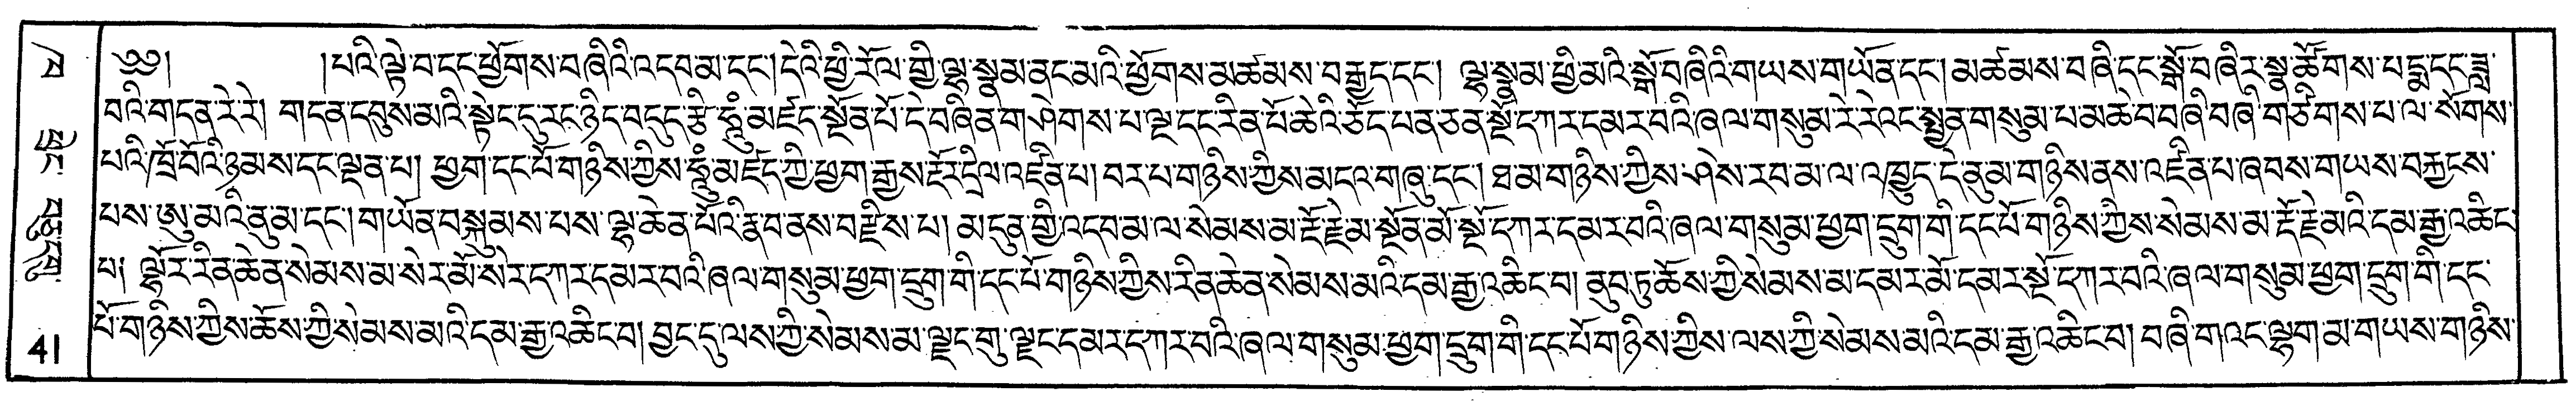༄༅། །པའི་ལྟེ་བ་དང་ཕྱོགས་བཞིའི་འདབ་མ་དང་། དེའི་ཕྱི་རོལ་གྱི་ལྷ་སྣམ་ནང་མའི་ཕྱོགས་མཚམས་བརྒྱད་དང་། ལྷ་སྣམ་ཕྱི་མའི་སྒོ་བཞིའི་གཡས་གཡོན་དང་། མཚམས་བཞི་དང་སྒོ་བཞིར་སྣ་ཚོགས་པདམ་དང་ཟླ་
བའི་གདན་རེ་རེ། གདན་དབུས་མའི་སྟེང་དུ་རང་ཉིད་བདུད་རྩི་ཧཱུཾ་མཛད་སྔོན་པོ་དེ་བཞིན་གཤེགས་པ་ལྔ་དང་རིན་པོ་ཆེའི་ཅོད་པན་ཅན་སྔོ་དཀར་དམར་བའི་ཞལ་གསུམ་རེ་རེའང་སྤྱན་གསུམ་པ་མཆེ་བ་བཞི་བཞི་གཙིགས་པ་ལ་སོགས་
པའི་ཁྲོ་བོའི་ཉམས་དང་ལྡན་པ། ཕྱག་དང་པོ་གཉིས་ཀྱིས་ཧཱུཾ་མཛད་ཀྱི་ཕྱག་རྒྱས་རྡོར་དྲིལ་འཛིན་པ། བར་པ་གཉིས་ཀྱིས་མདའ་གཞུ་དང་། ཐ་མ་གཉིས་ཀྱིས་ཤེས་རབ་མ་ལ་འཁྱུད་དེ་ནུ་མ་གཉིས་ནས་འཛིན་པ་ཞབས་གཡས་བརྐྱངས་
པས་ཨུ་མའི་ནུ་མ་དང་། གཡོན་བསྐུམས་པས་ལྷ་ཆེན་པོའི་རྣ་བ་ནས་བརྫིས་པ། མདུན་གྱི་འདབ་མ་ལ་སེམས་མ་རྡོ་རྗེ་མ་སྔོན་མོ་སྔོ་དཀར་དམར་བའི་ཞལ་གསུམ་ཕྱག་དྲུག་གི་དང་པོ་གཉིས་ཀྱིས་སེམས་མ་རྡོ་རྗེ་མའི་དམ་རྒྱ་འཆིང་
པ། ལྷོར་རིན་ཆེན་སེམས་མ་སེར་མོ་སེར་དཀར་དམར་བའི་ཞལ་གསུམ་ཕྱག་དྲུག་གི་དང་པོ་གཉིས་ཀྱིས་རིན་ཆེན་སེམས་མའི་དམ་རྒྱ་འཆིང་བ། ནུབ་ཏུ་ཆོས་ཀྱི་སེམས་མ་དམར་མོ་དམར་སྔོ་དཀར་བའི་ཞལ་གསུམ་ཕྱག་དྲུག་གི་དང་
པོ་གཉིས་ཀྱིས་ཆོས་ཀྱི་སེམས་མའི་དམ་རྒྱ་འཆིང་བ། བྱང་དུ་ལས་ཀྱི་སེམས་མ་ལྗང་གུ་ལྗང་དམར་དཀར་བའི་ཞལ་གསུམ་ཕྱག་དྲུག་གི་དང་པོ་གཉིས་ཀྱིས་ལས་ཀྱི་སེམས་མའི་དམ་རྒྱ་འཆིང་བ། བཞི་གའང་ལྷག་མ་གཡས་གཉིས་